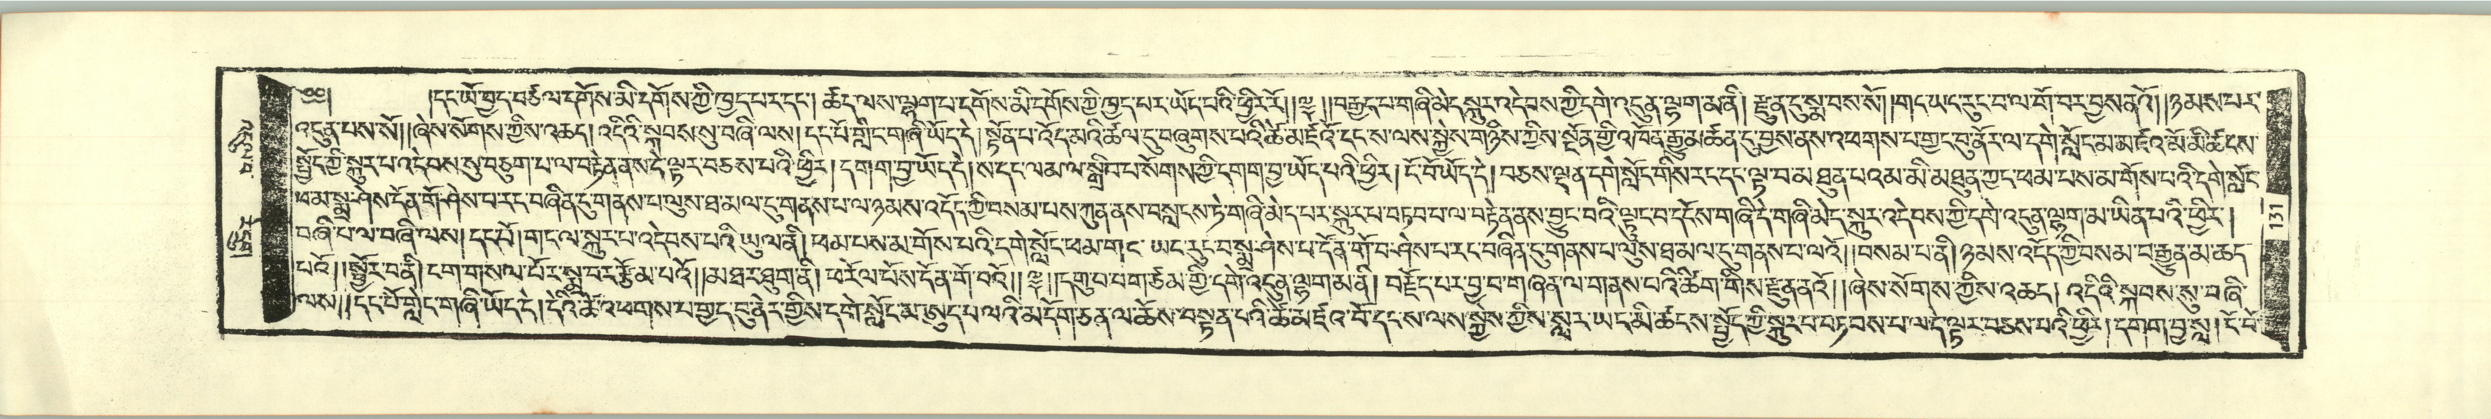༄༅། །དང་ཡོ་བྱད་བཙལ་དགོས་མི་དགོས་ཀྱི་ཁྱད་པར་དང་། ཚད་ལས་ལྷག་པ་དགོས་མི་དགོས་ཀྱི་ཁྱད་པར་ཡོད་པའི་ཕྱིར་རོ།། ༈ །།བརྒྱད་པ་གཞི་མེད་སྐུར་འདེབས་ཀྱི་དགེ་འདུན་ལྷག་མ་ནི། རྫུན་དུ་སྨ་བས་སོ། །གང་ཡང་རུང་བ་ལ་གོ་བར་བྱས་ནའོ། །ཉམས་པར་
འདུན་པས་སོ། །ཞེས་སོགས་ཀྱིས་འཆད། འདིའི་སྐབས་སུ་བཞི་ལས། དང་པོ་གླིང་གཞི་ཡོད་དེ། སྟོན་པ་འོད་མའི་ཚལ་དུ་བཞུགས་པའི་ཚེ་མཛའོ་དང་ས་ལས་སྐྱེས་གཉིས་ཀྱིས་སྔོན་གྱི་འཁོན་རྒྱུ་མཚན་དུ་བྱས་ནས་འཕགས་པ་གྱང་བུ་ནོར་ལ་དགེ་སློང་མ་མཛའ་མོ་མི་ཚངས་
སྤྱོད་ཀྱི་སྐུར་པ་འདེབས་སུ་བཅུག་པ་ལ་བརྟེན་ནས་དེ་ལྟར་བཅས་པའི་ཕྱིར། དགག་བྱ་ཡོད་དེ། ས་དང་ལམ་ལ་སྒྲིབ་པ་སོགས་ཀྱི་དགག་བྱ་ཡོད་པའི་ཕྱིར། ངོ་བོ་ཡོད་དེ། བཅས་ལྡན་དགེ་སློང་གིས་རང་དང་ལྟ་བ་མཐུན་པའམ་མི་མཐུན་ཀྱང་ཕམ་པས་མ་གོས་པའི་དགེ་སློང་
ཕ་མ་སྨྲ་ཤེས་དོན་གོ་ཤེས་པ་རང་བཞིན་དུ་གནས་པ་ལུས་ཐ་མལ་དུ་གནས་པ་ལ་ཉམས་འདོད་ཀྱི་བསམ་པས་ཀུན་ནས་བསླངས་ཏེ་གཞི་མེད་པར་སྐུར་པ་བཏབ་པ་ལ་བརྟེན་ནས་བྱུང་བའི་ལྟུང་བ་དངོས་གཞི་དེ་གཞི་མེད་སྐུར་འདེབས་ཀྱི་དགེ་འདུན་ལྷག་མ་ཡིན་པའི་ཕྱིར།
བཞི་པ་ལ་བཞི་ལས། དང་པོ། གང་ལ་སྐུར་པ་འདེབས་པའི་ཡུལ་ནི། ཕམ་པས་མ་གོས་པའི་དགེ་སློང་ཕམ་གང་ཡང་རུང་བ་སྨྲ་ཤེས་པ་དོན་གོ་བ་ཤེས་པ་རང་བཞིན་དུ་གནས་པ་ལུས་ཐ་མལ་དུ་གནས་པ་ལའོ། །བསམ་པ་ནི། ཉམས་འདོད་ཀྱི་བསམ་པ་རྒྱུན་མ་ཆད་པའོ། །སྦྱོར་བ་ནི། ངག་གསལ་པོར་སྨྲ་བར་རྩོམ་པའོ། །མཐར་ཐུག་ནི། ཕ་རོལ་པོས་དོན་གོ་བའོ།། ༈ །།དགུ་བ་བག་ཙམ་གྱི་དགེ་འདུན་ལྷག་མ་ནི། བརྗོད་པར་བྱ་བ་གཞན་ལ་གནས་པའི་ཚིག་གིས་རྫུན་ནའོ། །ཞེས་སོགས་ཀྱིས་འཆད། འདིའི་སྐབས་སུ་བཞི་
ལས། །དང་པོ་གླེང་གཞི་ཡོད་དེ། དེའི་ཚེ་འཕགས་པ་གྱད་བུ་ནེར་གྱིས་དགེ་སློང་མ་ཨུད་པ་ལའི་མདོག་ཅན་ལ་ཆོས་བསྟན་པའི་ཚེ་མཛའ་བོ་དང་ས་ལས་སྐྱེས་ཀྱིས་སླར་ཡང་མི་ཚངས་སྤྱོད་ཀྱི་སྐུར་བ་བཏབས་པ་ལ་དེ་ལྟར་བཅས་པའི་ཕྱིར། དགག་བྱ་སླ། ངོ་བོ་